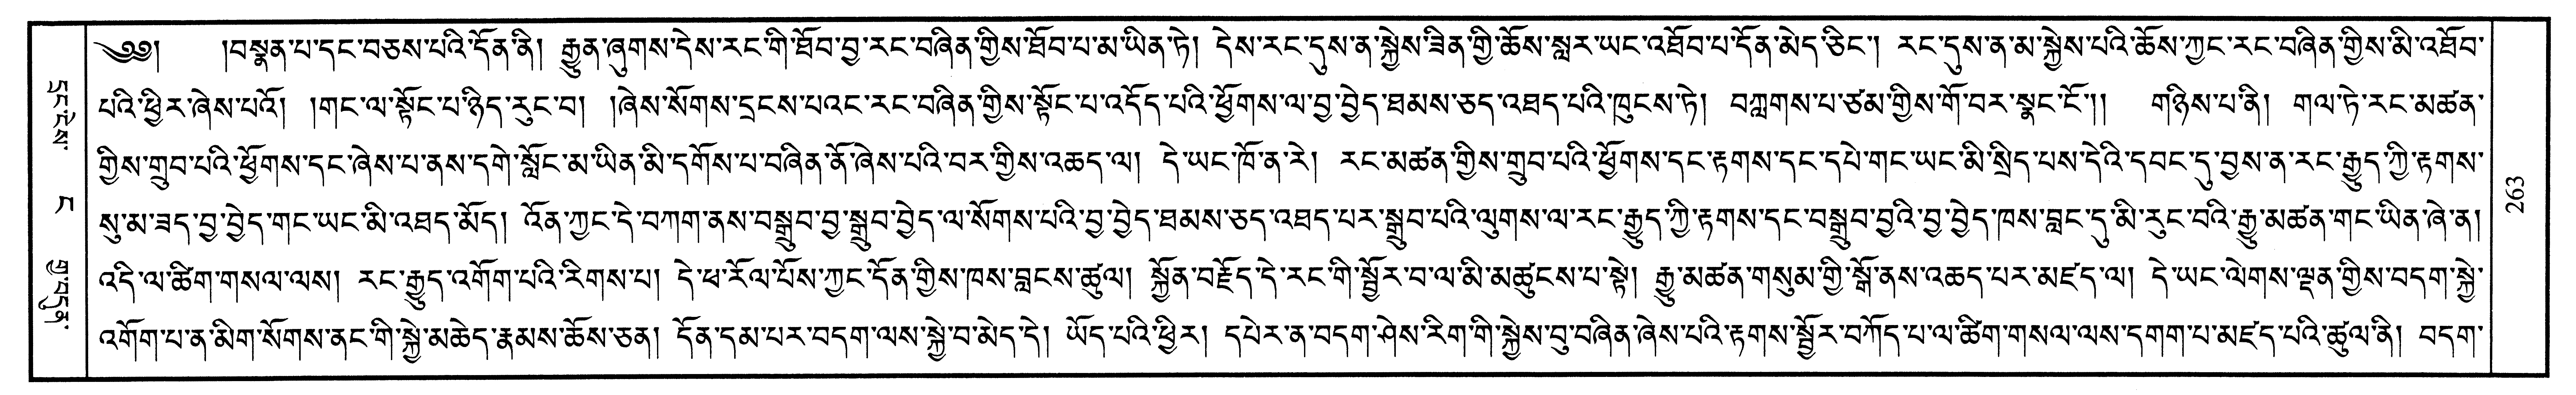༄༅། །བསྣན་པ་དང་བཅས་པའི་དོན་ནི། རྒྱུན་ཞུགས་དེས་རང་གི་ཐོབ་བྱ་རང་བཞིན་གྱིས་ཐོབ་པ་མ་ཡིན་ཏེ། དེས་རང་དུས་ན་སྐྱེས་ཟིན་གྱི་ཆོས་སླར་ཡང་འཐོབ་པ་དོན་མེད་ཅིང་། རང་དུས་ན་མ་སྐྱེས་པའི་ཆོས་ཀྱང་རང་བཞིན་གྱིས་མི་འཐོབ་
པའི་ཕྱིར་ཞེས་པའོ། །གང་ལ་སྟོང་པ་ཉིད་རུང་བ། །ཞེས་སོགས་དྲངས་པའང་རང་བཞིན་གྱིས་སྟོང་པ་འདོད་པའི་ཕྱོགས་ལ་བྱ་བྱེད་ཐམས་ཅད་འཐད་པའི་ཁུངས་ཏེ། བཀླགས་པ་ཙམ་གྱིས་གོ་བར་སྣང་ངོ།། གཉིས་པ་ནི། གལ་ཏེ་རང་མཚན་
གྱིས་གྲུབ་པའི་ཕྱོགས་དང་ཞེས་པ་ནས་དགེ་སློང་མ་ཡིན་མི་དགོས་པ་བཞིན་ནོ་ཞེས་པའི་བར་གྱིས་འཆད་ལ། དེ་ཡང་ཁོ་ན་རེ། རང་མཚན་གྱིས་གྲུབ་པའི་ཕྱོགས་དང་རྟགས་དང་དཔེ་གང་ཡང་མི་སྲིད་པས་དེའི་དབང་དུ་བྱས་ན་རང་རྒྱུད་ཀྱི་རྟགས་
སུ་མ་ཟད་བྱ་བྱེད་གང་ཡང་མི་འཐད་མོད། འོན་ཀྱང་དེ་བཀག་ནས་བསྒྲུབ་བྱ་སྒྲུབ་བྱེད་ལ་སོགས་པའི་བྱ་བྱེད་ཐམས་ཅད་འཐད་པར་སྒྲུབ་པའི་ལུགས་ལ་རང་རྒྱུད་ཀྱི་རྟགས་དང་བསྒྲུབ་བྱའི་བྱ་བྱེད་ཁས་བླང་དུ་མི་རུང་བའི་རྒྱུ་མཚན་གང་ཡིན་ཞེ་ན།
འདི་ལ་ཚིག་གསལ་ལས། རང་རྒྱུད་འགོག་པའི་རིགས་པ། དེ་ཕ་རོལ་པོས་ཀྱང་དོན་གྱིས་ཁས་བླངས་ཚུལ། སྐྱོན་བརྗོད་དེ་རང་གི་སྦྱོར་བ་ལ་མི་མཚུངས་པ་སྟེ། རྒྱུ་མཚན་གསུམ་གྱི་སྒོ་ནས་འཆད་པར་མཛད་ལ། དེ་ཡང་ལེགས་ལྡན་གྱིས་བདག་སྐྱེ་
འགོག་པ་ན་མིག་སོགས་ནང་གི་སྐྱེ་མཆེད་རྣམས་ཆོས་ཅན། དོན་དམ་པར་བདག་ལས་སྐྱེ་བ་མེད་དེ། ཡོད་པའི་ཕྱིར། དཔེར་ན་བདག་ཤེས་རིག་གི་སྐྱེས་བུ་བཞིན་ཞེས་པའི་རྟགས་སྦྱོར་བཀོད་པ་ལ་ཚིག་གསལ་ལས་དགག་པ་མཛད་པའི་ཚུལ་ནི། བདག་